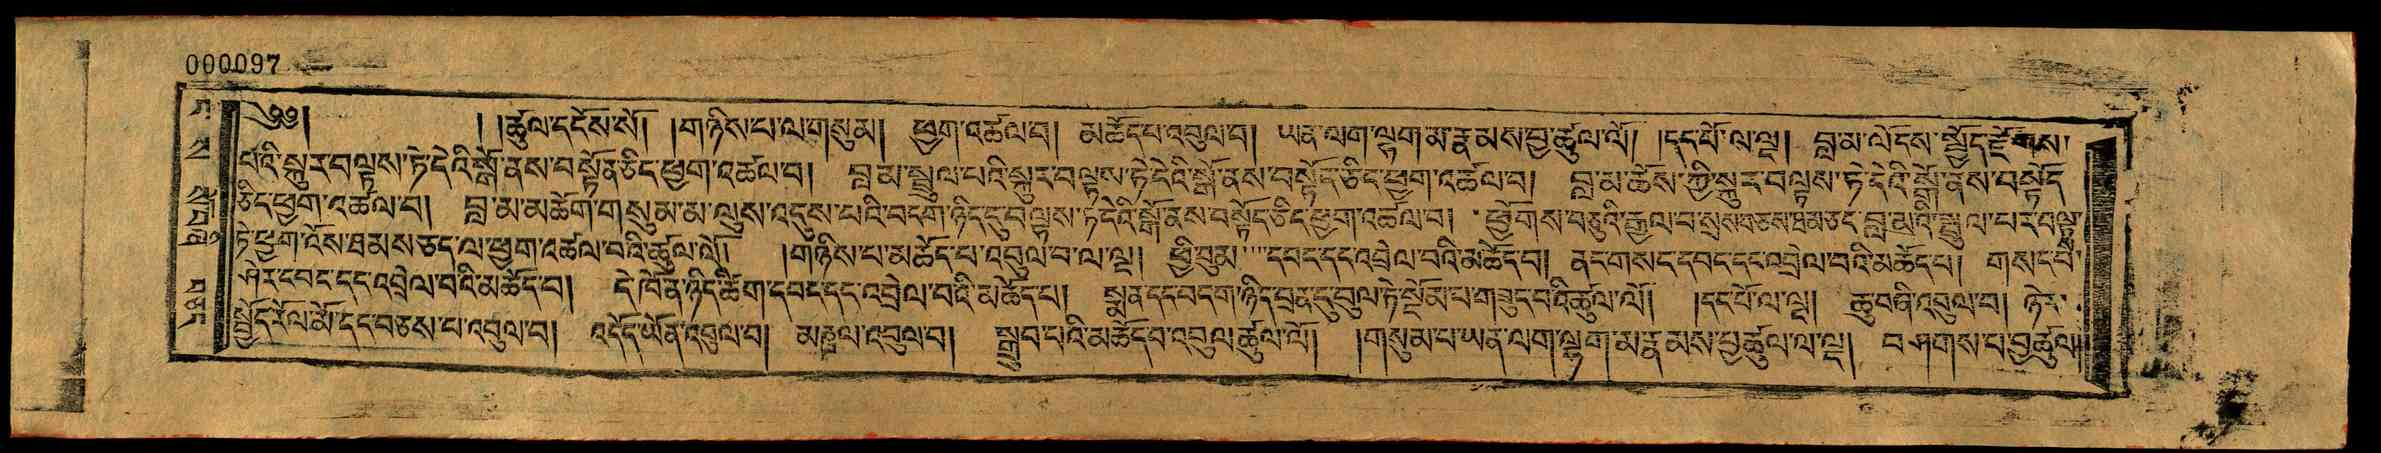༄༅། །ཚུལ་དངོས་སོ། །གཉིས་པ་ལ་གསུམ། ཕྱག་འཚལ་བ། མཆོད་པ་འབུལ་བ། ཡན་ལག་ལྷག་མ་རྣམས་བྱ་ཚུལ་ལོ། །དང་པོ་ལ་ལྔ། བླ་མ་ལོངས་སྤྱོད་རྫོགས་
པའི་སྐུར་བལྟས་ཏེ་དེའི་སྒོ་ནས་བསྟོད་ཅིང་ཕྱག་འཚལ་བ། བླ་མ་སྤྲུལ་པའི་སྐུར་བལྟས་ཏེ་དེའི་སྒོ་ནས་བསྟོད་ཅིང་ཕྱག་འཚལ་བ། བླ་མ་ཆོས་ཀྱི་སྐུར་བལྟས་ཏེ་དེའི་སྒོ་ནས་བསྟོད་
ཅིང་ཕྱག་འཚལ་བ། བླ་མ་མཆོག་གསུམ་མ་ལུས་འདུས་པའི་བདག་ཉིད་དུ་བལྟས་ཏེ་དེའི་སྒོ་ནས་བསྟོད་ཅིང་ཕྱག་འཚལ་བ། ཕྱོགས་བཅུའི་རྒྱལ་བ་སྲས་བཅས་ཐམས་ཅད་བླ་མའི་སྤྲུལ་པར་བལྟས་
ཏེ་ཕྱག་འོས་ཐམས་ཅད་ལ་ཕྱག་འཚལ་བའི་ཚུལ་ལོ། །གཉིས་པ་མཆོད་པ་འབུལ་བ་ལ་ལྔ། ཕྱི་བུམ་དབང་དང་འབྲེལ་བའི་མཆོད་པ། ནང་གསང་དབང་དང་འབྲེལ་བའི་མཆོད་པ། གསང་བ་
ཤེར་དབང་དང་འབྲེལ་བའི་མཆོད་པ། དེ་ཁོ་ན་ཉིད་ཚིག་དབང་དང་འབྲེལ་བའི་མཆོད་པ། སྨན་དང་བདག་ཉིད་བྲན་དུ་ཕུལ་ཏེ་སྡོམ་པ་གཟུང་བའི་ཚུལ་ལོ། །དང་པོ་ལ་ལྔ། ཆུ་བཞི་འབུལ་བ། ཉེར་
སྤྱོད་རོལ་མོ་དང་བཅས་པ་འབུལ་བ། འདོད་ཡོན་འབུལ་བ། མཎྜལ་འབུལ་བ། སྒྲུབ་པའི་མཆོད་པ་འབུལ་ཚུལ་ལོ། །གསུམ་པ་ཡན་ལག་ལྷག་མ་རྣམས་བྱ་ཚུལ་ལ་ལྔ། བཤགས་པ་བྱ་ཚུལ་
ར་